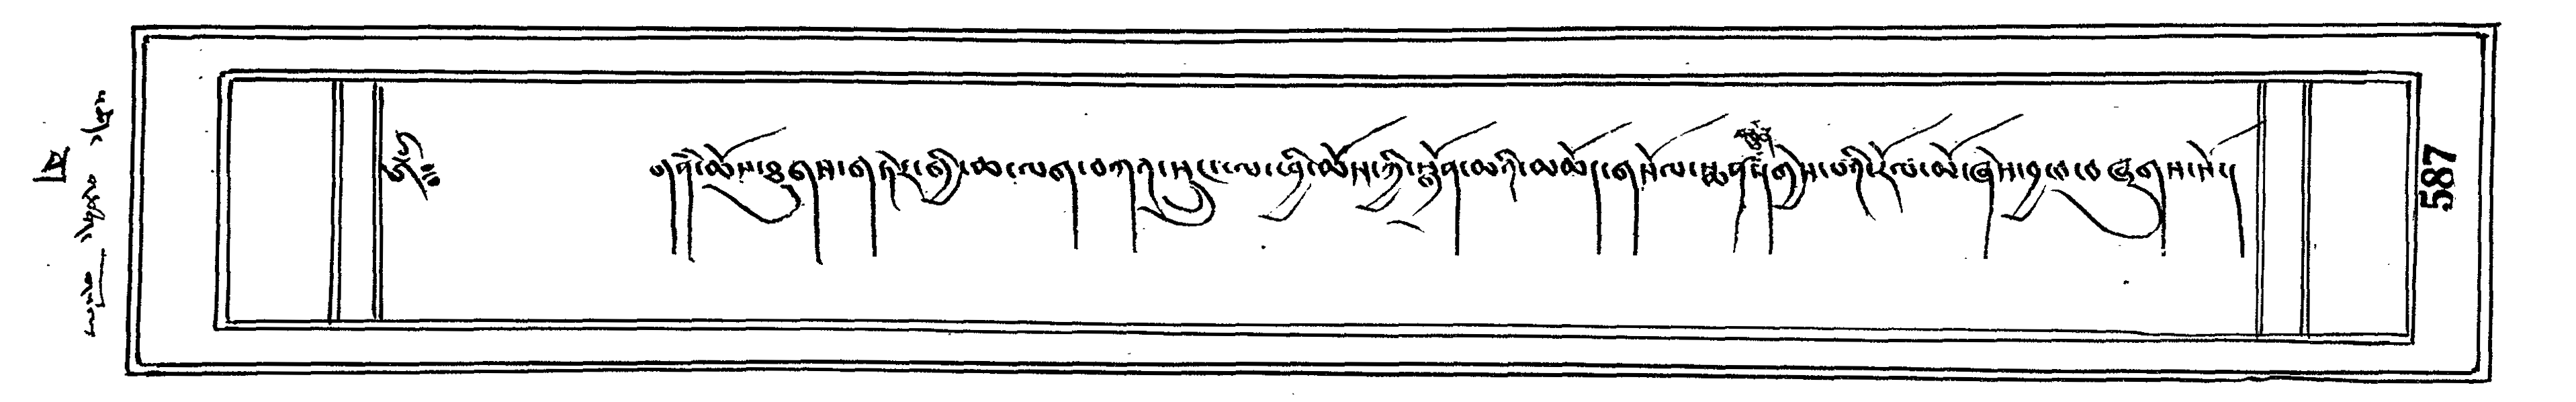གནམ་ཆོས་ཐུགས་གཏེར་གྱི་ཆ་ལག་བཀའ་སྲུང་ཨ་ཕྱི་ཆོས་ཀྱི་སྒྲོན་མའི་མཆོད་གསོལ་སྨན་བཙུན་དགྱེས་པའི་རོལ་མོ་ཞེས་བྱ་བ་བཞུགས་སོ།།